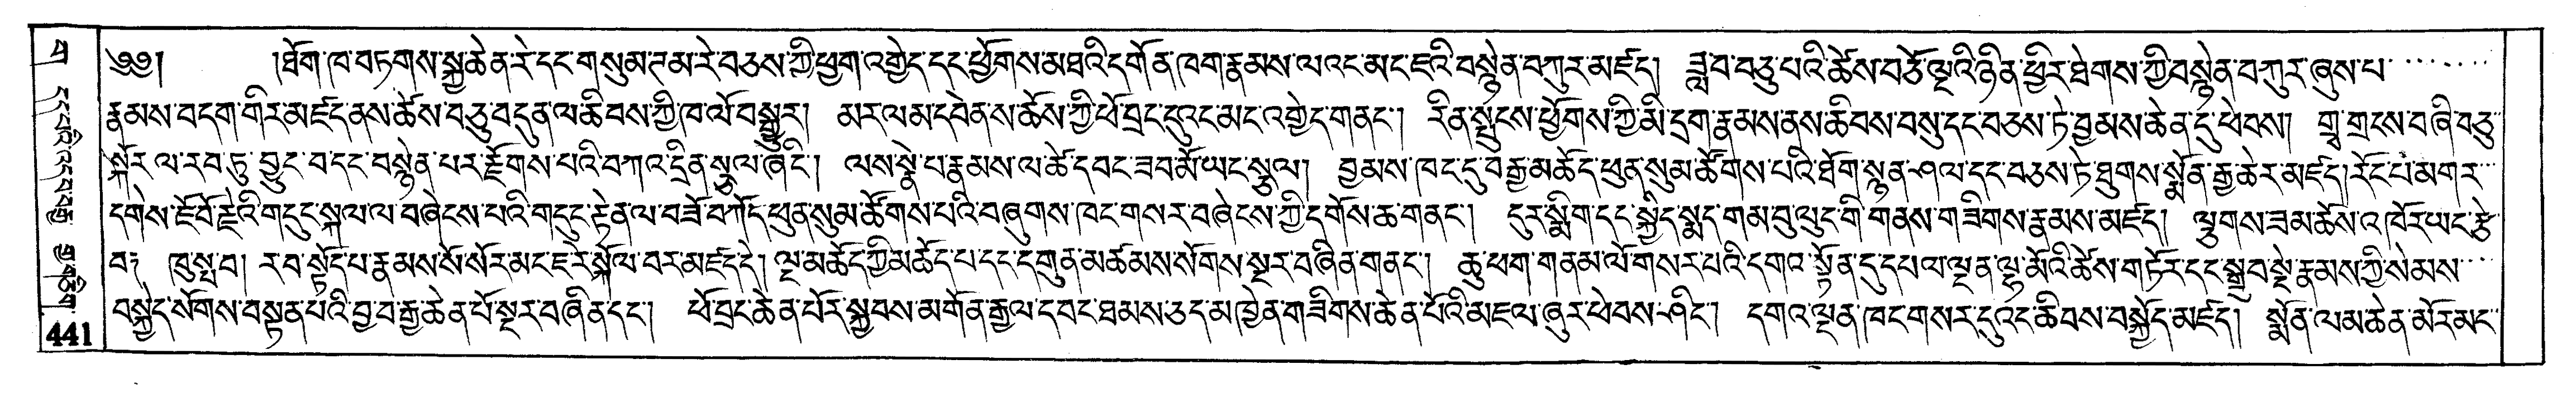༄༅། །ཐོག་ཁ་བཏགས་སྐྱ་ཆེན་རེ་དང་གསུམ་ཊམ་རེ་བཅས་ཀྱི་ཕྱག་འགྱེད་དང་ཕྱོགས་མཐའི་དགོན་ཁག་རྣམས་ལའང་མང་ཇའི་བསྙེན་བཀུར་མཛད། ཟླ་བ་བཅུ་པའི་ཚེས་བཅོ་ལྔའི་ཉིན་ཕྱིར་ཐེགས་ཀྱི་བསྙེན་བཀུར་ཞུས་པ་
རྣམས་བདག་གིར་མཛད་ནས་ཚེས་བཅུ་བདུན་ལ་ཆིབས་ཀྱི་ཁ་ལོ་བསྒྱུར། མར་ལམ་དབེན་ས་ཆོས་ཀྱི་ཕོ་བྲང་དུའང་མང་འགྱེད་གནང་། རིན་སྤུངས་ཕྱོགས་ཀྱི་མི་དྲག་རྣམས་ནས་ཆིབས་བསུ་དང་བཅས་ཏེ་བྱམས་ཆེན་དུ་ཕེབས། གྲྭ་གྲངས་བཞི་བཅུ་
སྐོར་ལ་རབ་ཏུ་བྱུང་བ་དང་བསྙེན་པར་རྫོགས་པའི་བཀའ་དྲིན་སྩལ་ཞིང་། ལས་སྣེ་བ་རྣམས་ལ་ཚེ་དབང་ཟབ་མོ་ཡང་སྩལ། བྱམས་ཁང་དུ་བརྒྱ་མཆོད་ཕུན་སུམ་ཚོགས་པའི་ཐོག་སྙན་ཤལ་དང་བཅས་ཏེ་ཐུགས་སྨོན་རྒྱ་ཆེར་མཛད། རོང་བ་མགར་
དགེས་ཇོ་བོ་རྗེའི་གདུང་སྐལ་ལ་བཞེངས་པའི་གདུང་རྟེན་ལ་བཟོ་བཀོད་ཕུན་སུམ་ཚོགས་པའི་བཞུགས་ཁང་གསར་བཞེངས་ཀྱི་དགོས་ཆ་གནང་། དུར་སྨྲིག་དང་སྐྱིད་སྨད་གྲུམ་བུ་ལུང་གི་གནས་གཟིགས་རྣམས་མཛད། ལྕགས་ཟམ་ཆོས་འཁོར་ཡང་རྩེ་
བ༑ ཁུ་སྤེ་བ། ར་བ་སྟོད་པ་རྣམས་སོ་སོར་མང་ཇ་རེ་སྐོལ་བར་མཛད་དེ། ལྔ་མཆོད་ཀྱི་མཆོད་པ་དང་དགུན་མཚམས་སོགས་སྔར་བཞིན་གནད། ཆུ་ཕག་གནམ་ལོ་གསར་བའི་དགའ་སྟོན་དུ་དཔལ་ལྡན་ལྷ་མོའི་ཚེས་གཏོར་དང་སྒྲུབ་སྡེ་རྣམས་ཀྱི་སེམས་
བསྐྱེད་སོགས་བསྟན་པའི་བྱ་བ་རྒྱ་ཆེན་པོ་སྔར་བཞིན་དང་། ཕོ་བྲང་ཆེན་པོར་སྐྱབས་མགོན་རྒྱལ་དབང་ཐམས་ཅད་མཁྱེན་གཟིགས་ཆེན་པོའི་མཇལ་ཞུར་ཕེབས་ཤིང་། དགའ་ལྡན་ཁང་གསེར་དུའང་ཆིབས་བསྐྱོད་མཛད། སྨོན་ལམ་ཆེན་མོར་མང་